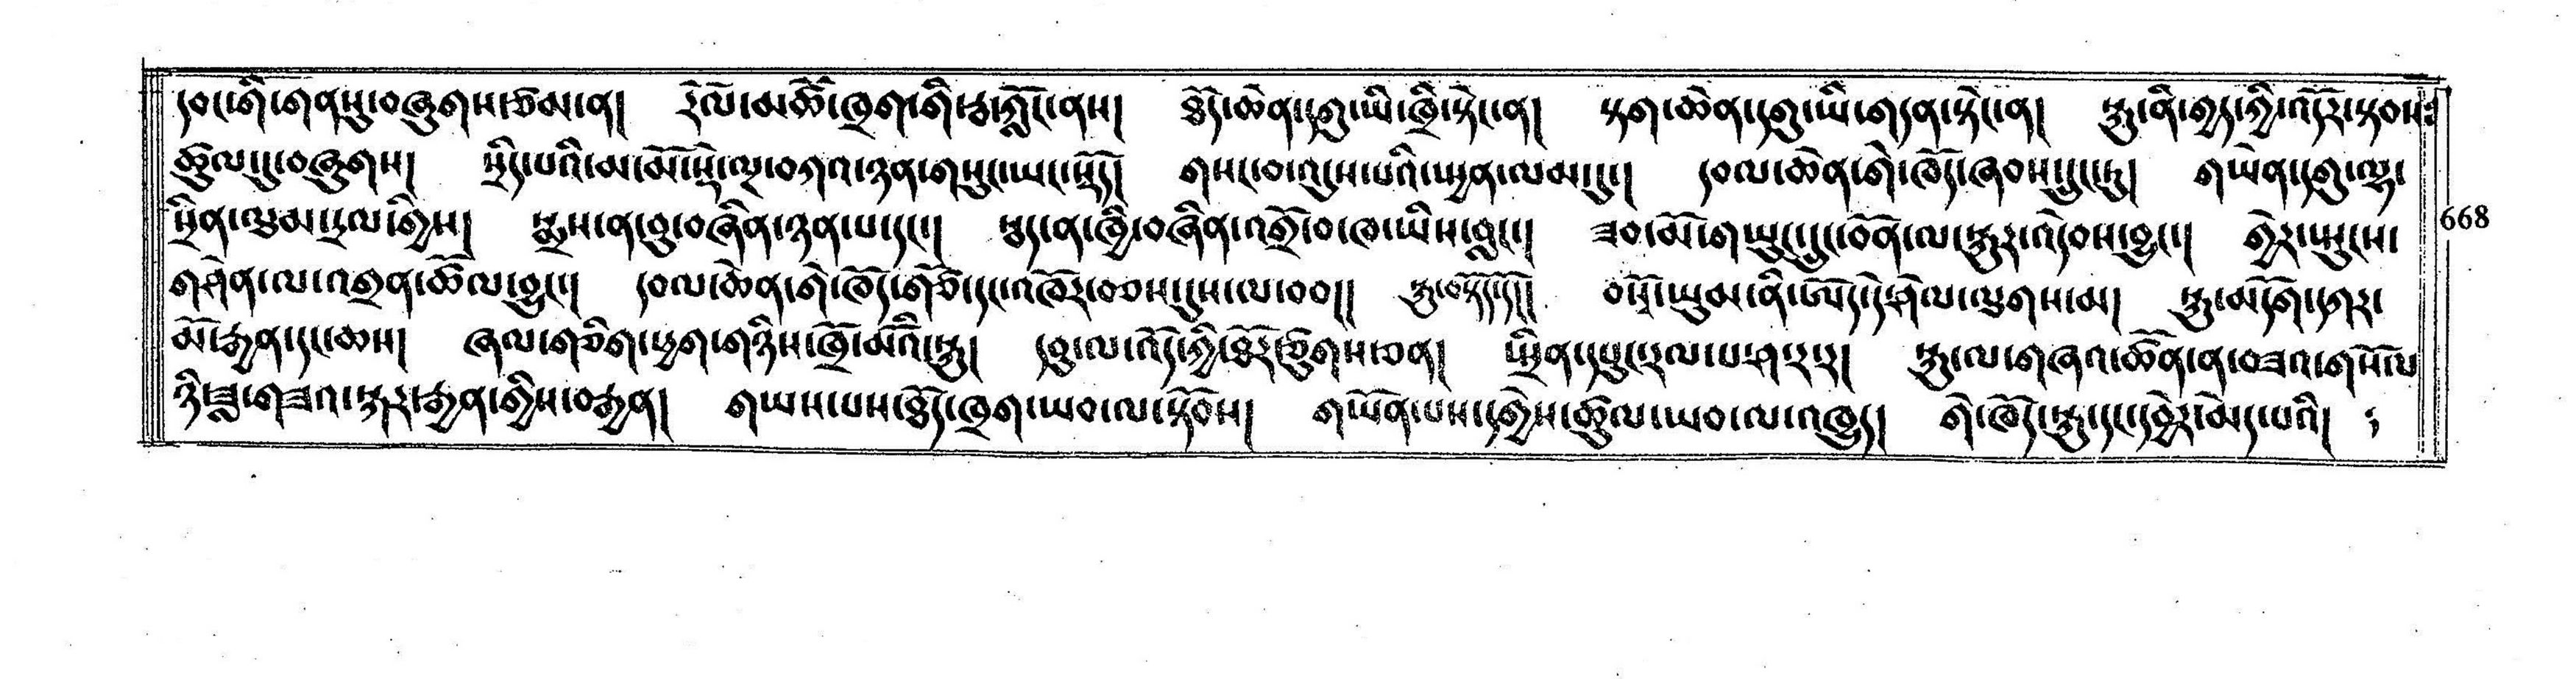དབང་གི་གནས་སུ་བཞུགས་ཙམ་ན། རོལ་མཚོ་ཁྲག་གི་རྦ་ཀློང་ནས། ཐོད་ཆེན་དགུ་ཡི་ཁྲི་སྟེང་ན། སྟག་ཆེན་དགུ་ཡི་གདན་སྟེང་ན། སྐུ་ནི་གྱད་ཀྱི་འདོར་སྟབས་
ཚུལ་དུ་བཞུགས། སྲིད་པའི་མ་མོ་སྡེ་ལྔ་བཀའ་ཉན་གསུང་ཡང་སྡོད། གསང་བ་འདུས་པའི་སྤྱན་ལམ་དུ། དབལ་ཆེན་གེ་ཁོད་ཞབས་དྲུང་ཏུ། གཡེན་དགུ་ལྷ་
སྲིན་ལྕམ་དྲལ་གྱིས། སྨྲས་ན་བུ་བཞིན་ཉན་པ་དང་། སྦད་ན་ཁྱི་བཞིན་འགྲོ་བ་ཁ་ཡིས་བླང་། ཟབ་མོ་གཡུང་དྲུང་བོན་ལ་སྐུར་འདེབས་བྱུང་། གྱེར་སྤུངས་
གཤེན་ལ་འགྲན་ཚོལ་བྱུང་། དབལ་ཆེན་གེ་ཁོད་གཙོ་དང་འཁོར་བཅས་དུས་ལ་བབ།། སྐུ་བསྟོད་དོ།། བསྭོ་ཡུམ་ནི་ཨོད་དེ་ཤེལ་ལྕགས་མ། སྐུ་མདོག་དཀར་
མོ་རྒྱན་དང་ཆས། ཞལ་གཅིག་ཕྱག་གཉིས་ཁྲོ་མོའི་སྐུ། དབུ་ལ་འོད་ཀྱི་ཐོར་ཙུགས་ཅན། སྤྲིན་དཔུང་རལ་པ་ཤ་ར་ར། སྐུ་ལ་གཞའ་ཚོན་ན་བཟའ་གསོལ། 
ཉི་ཟླ་གཟའ་སྐར་རྒྱན་གྱིས་བརྒྱན། གཡས་པས་ཐོད་ཁྲག་ཡབ་ལ་སྟོབས། གཡོན་པས་དགྱེས་ཚུལ་ཡབ་ལ་འཁྱུད། གེ་ཁོད་སྐུ་དང་དབྱེར་མེད་པའི།